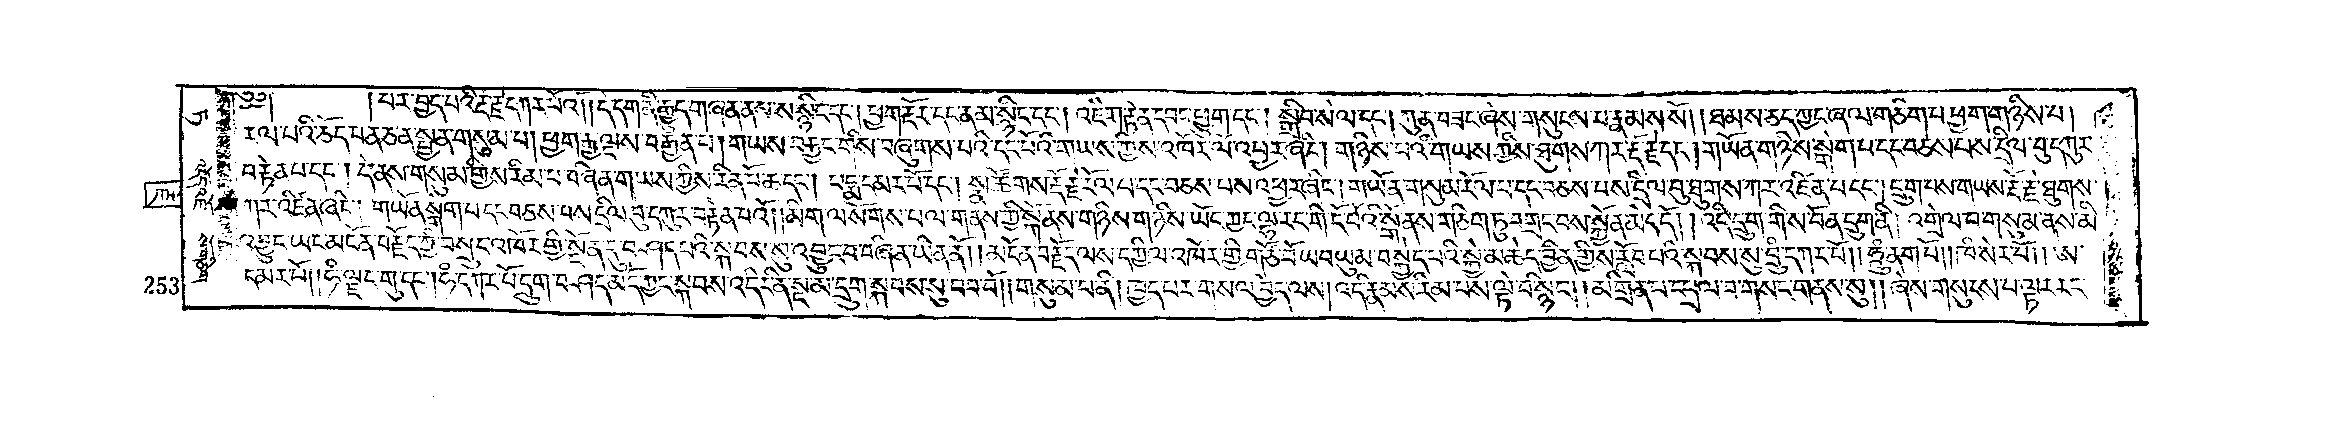༄༅། །པར་བྱེད་པའི་རྡོ་རྗེ་དཀར་པོའོ། །དེ་དག་ནི་རྒྱུད་གཞན་ནས་ས་སྙིང་དང་། ཕྱག་རྡོར་དང་ནམ་སྙིང་དང་། འཇིག་རྟེན་དབང་ཕྱུག་དང་། སྒྲིབ་སེལ་དང་། ཀུན་བཟང་ཞེས་གསུངས་པ་རྣམས་སོ། །ཐམས་ཅད་ཀྱང་ཞལ་གཅིག་པ་ཕྱག་གཉིས་པ།
རལ་པའི་ཅོད་པན་ཅན་སྤྱན་གསུམ་པ། ཕྱག་རྒྱ་ལྔས་བརྒྱན་པ། གཡས་བརྐྱང་གསེ་བཞུགས་པའི་དང་པོའི་གཡས་ཀྱིས་འཁོར་ལོ་འཕྱར་ཞིང་། གཉིས་པའི་གཡས་ཀྱིས་ཐུགས་ཀར་རྡོ་རྗེ་དང་། གཡོན་གཉིས་སྒེག་པ་དང་བཅས་པས་དྲིལ་བུ་དཀུར་
བརྟེན་པ་དང་། དེ་ནས་གསུམ་གྱིས་རིམ་པ་བཞིན་གཡས་ཀྱིས་རིན་པོ་ཆ་དང་། པདམ་དམར་པོ་དང་། སྣ་ཚོགས་རྡོ་རྗེ་རོལ་པ་དང་བཅས་པས་འཕྱར་ཞིང་། གཡོན་གསུམ་རོལ་པ་དང་བཅས་པས་དྲིལ་བུ་ཐུགས་ཀར་འཛིན་པ་དང་། དྲུག་པས་གཡས་རྡོ་རྗེ་ཐུགས་
ཀར་འཛིན་ཞིང་། གཡོན་སྒེག་པ་དང་བཅས་པས་དྲིལ་བུ་དཀུར་བརྟེན་པའོ། །མིག་ལ་སོགས་པ་ལ་གནས་ཀྱི་སྒོ་ནས་གཉིས་གཉིས་ཡོད་ཀྱང་ལྷ་རང་གི་ངོ་བོའི་སྒོ་ནས་གཅིག་ཏུ་བགྲང་བས་སྐྱོན་མེད་དོ། །འདི་དྲུག་གི་ས་བོན་དྲུག་ནི། འགྲེལ་པ་གསུམ་ནས་མི་
འབྱུང་ཡང་མངོན་བརྗོད་ཀྱི་བསྲུང་འཁོར་གྱི་སྔོན་དུ་བཤད་པའི་སྐབས་སུ་འབྱུང་བ་བཞིན་ཡིན་ནོ། །མངོན་བརྗོད་ལས་དཀྱིལ་འཁོར་གྱི་གཙོ་བོ་ཡབ་ཡུམ་བསྐྱེད་པའི་སྐྱེ་མཆེད་བྱིན་གྱིས་རློབ་པའི་སྐབས་སུ་བྲུཾ་དཀར་པོ། །ཧཱུཾ་ནག་པོ། །ཁཾ་སེར་པོ། །ཨ་
དམར་པོ། །ཧཾ་ལྗང་གུ་དང་། ཧཾ་དཀར་པོ་དྲུག་བཤད་མོད་ཀྱང་སྐབས་འདིར་ནི་སྔ་མ་དྲུག་སྐབས་སུ་བབ་བོ། །གསུམ་པ་ནི། ཁྱད་པར་གསལ་བྱེད་ལས། འདི་རྣམས་རིམ་པས་ལྟེ་བ་སྙིང་། །མགྲིན་པ་དཔྲལ་བ་གསང་གནས་སུ། །ཞེས་གསུངས་པ་ལྟར་རང་